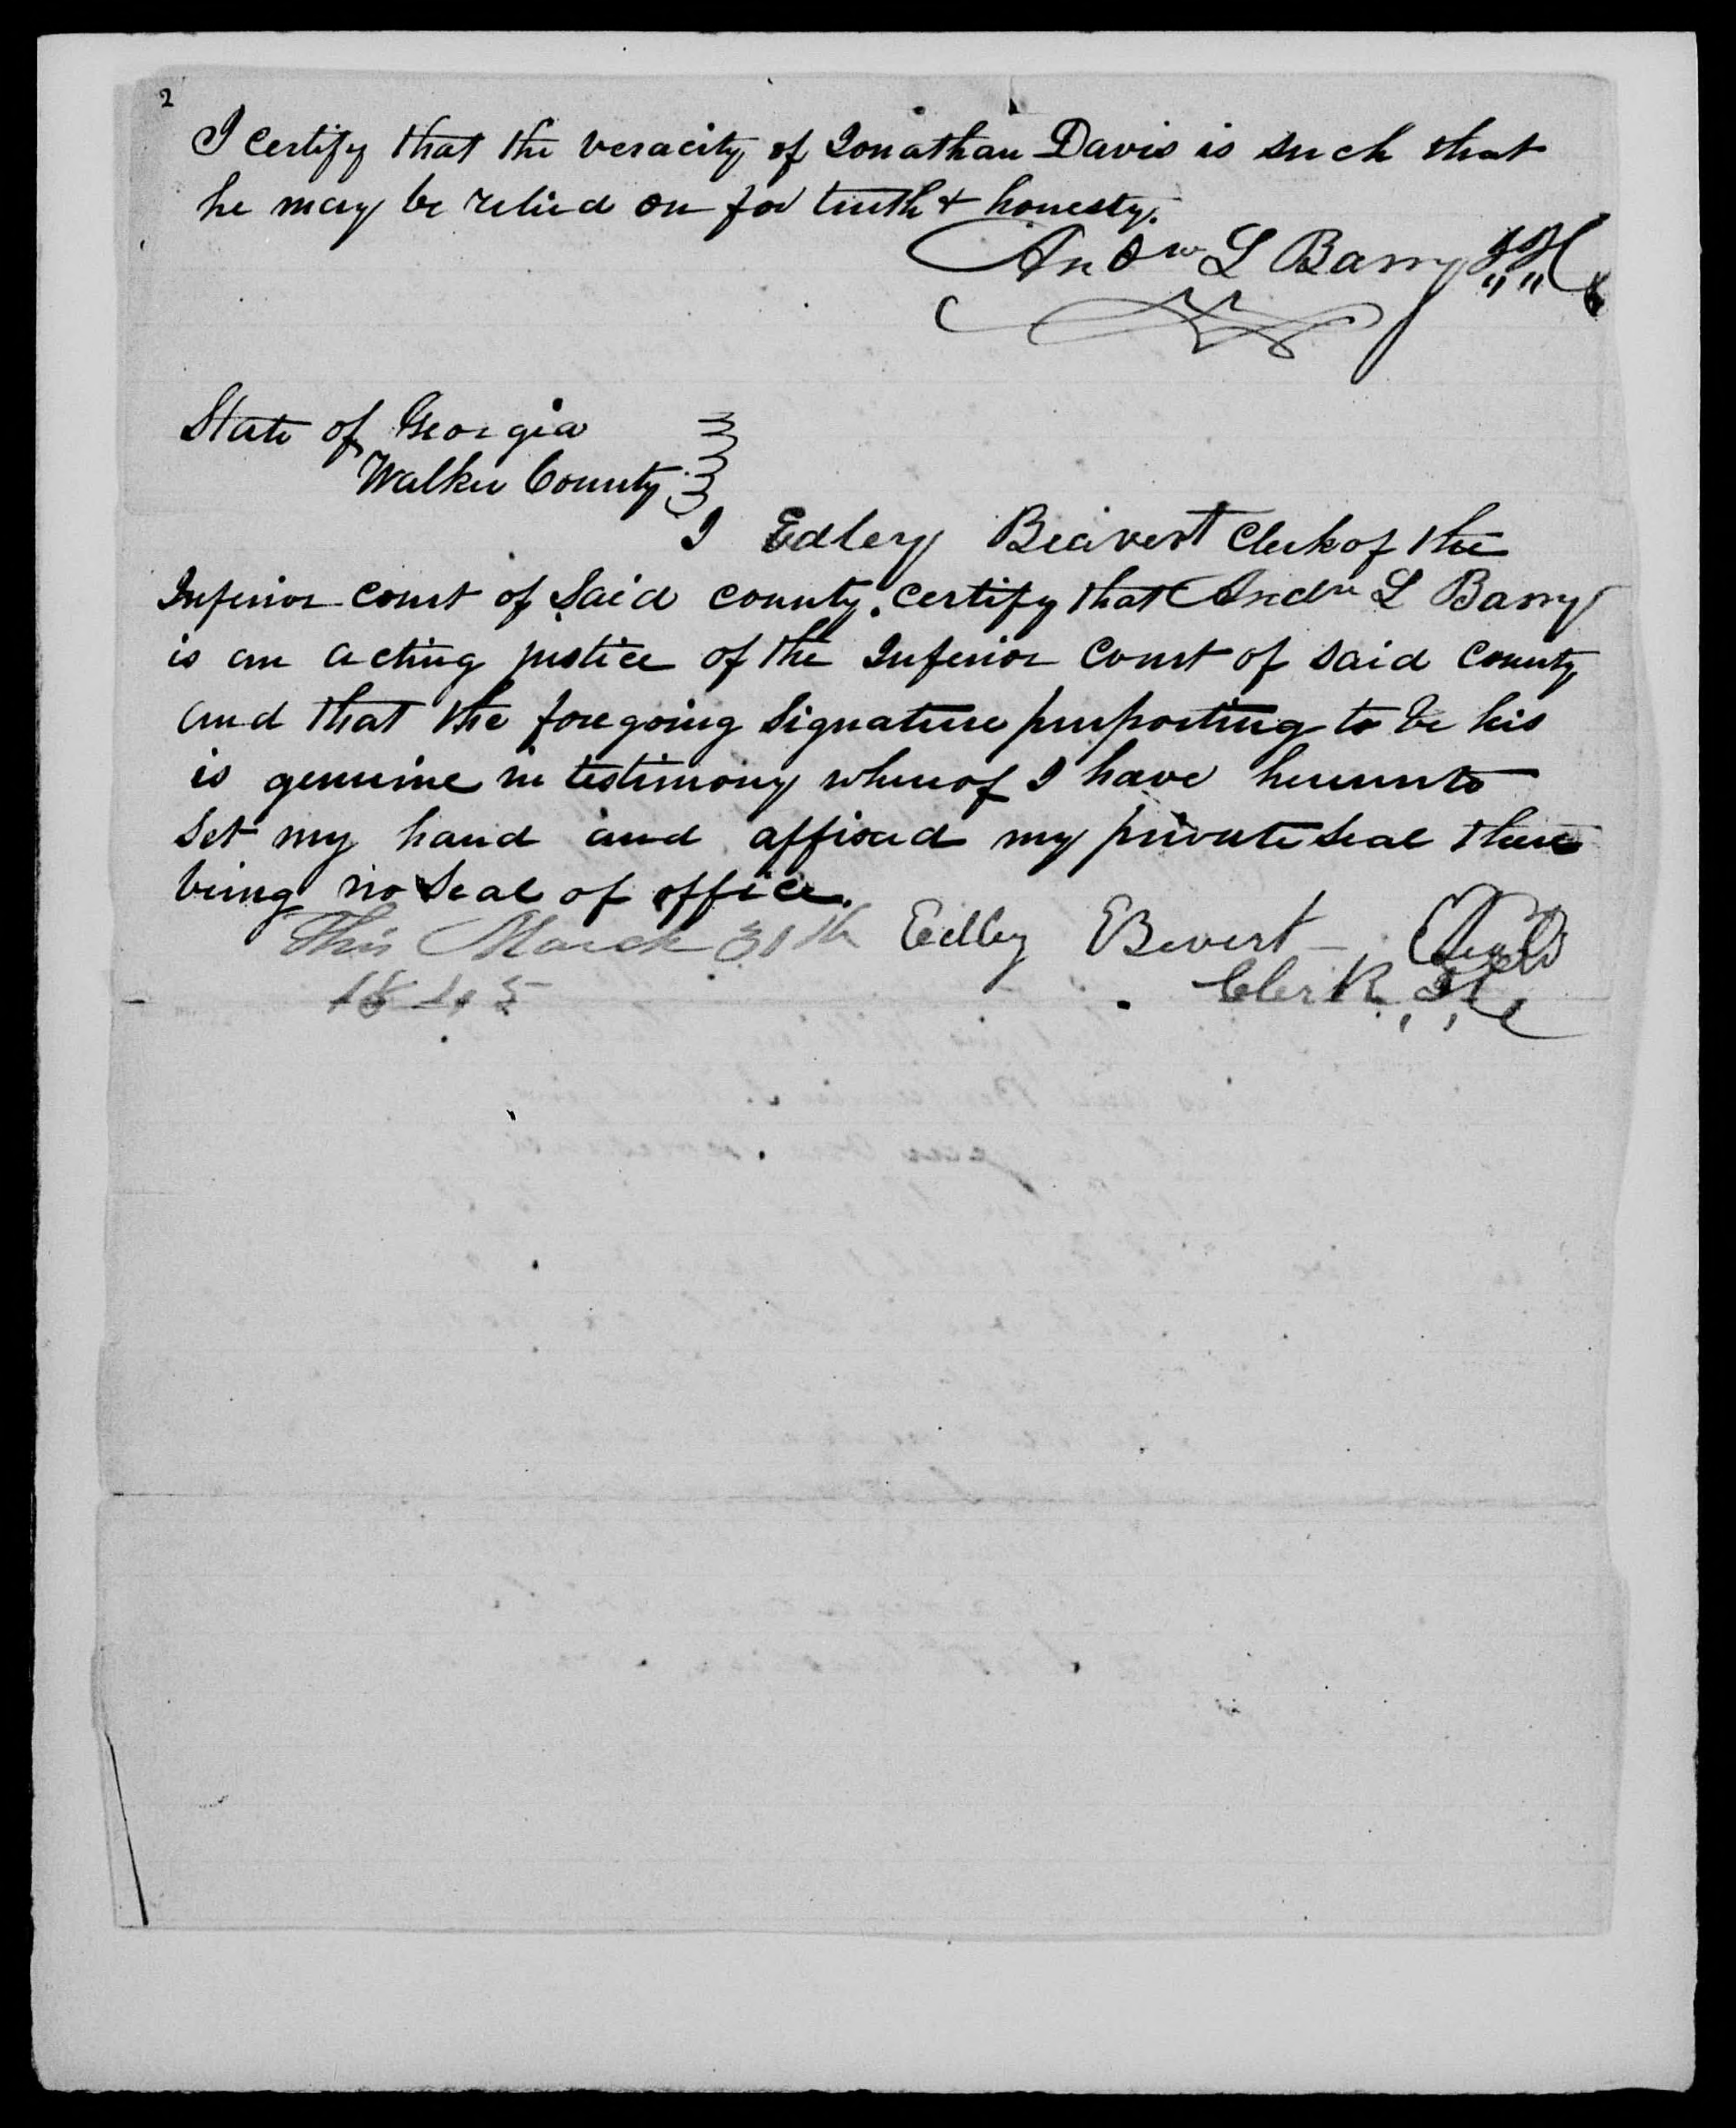I certify that the veracity of Jonathan Davis is such that he may be relied on for truth + honesty
And L. Bamy JHG
(Squiggle line underneath)
State of Georgia
Walker County (squiggle line vertically on page)
I Edley Beavert Clerk of the Inferior Court of Said County. Certify that Andn L. Bamy is an acting Justice of the Inferior Court of said county and that the foregoing signature purporting to be his is genuine in testimony whereof I have hereunto set my hand and affixed my private seal thus being no seal of office.
This March 31st 1825
Edley Beavert Clerk (squiggle lines in circles cannot tell if there are initials within)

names: Andw L Barry, Jonathan Davis, Edley Beavert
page: 12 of 108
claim: rejected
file: R. 7,515, John Hudgins, N.C.